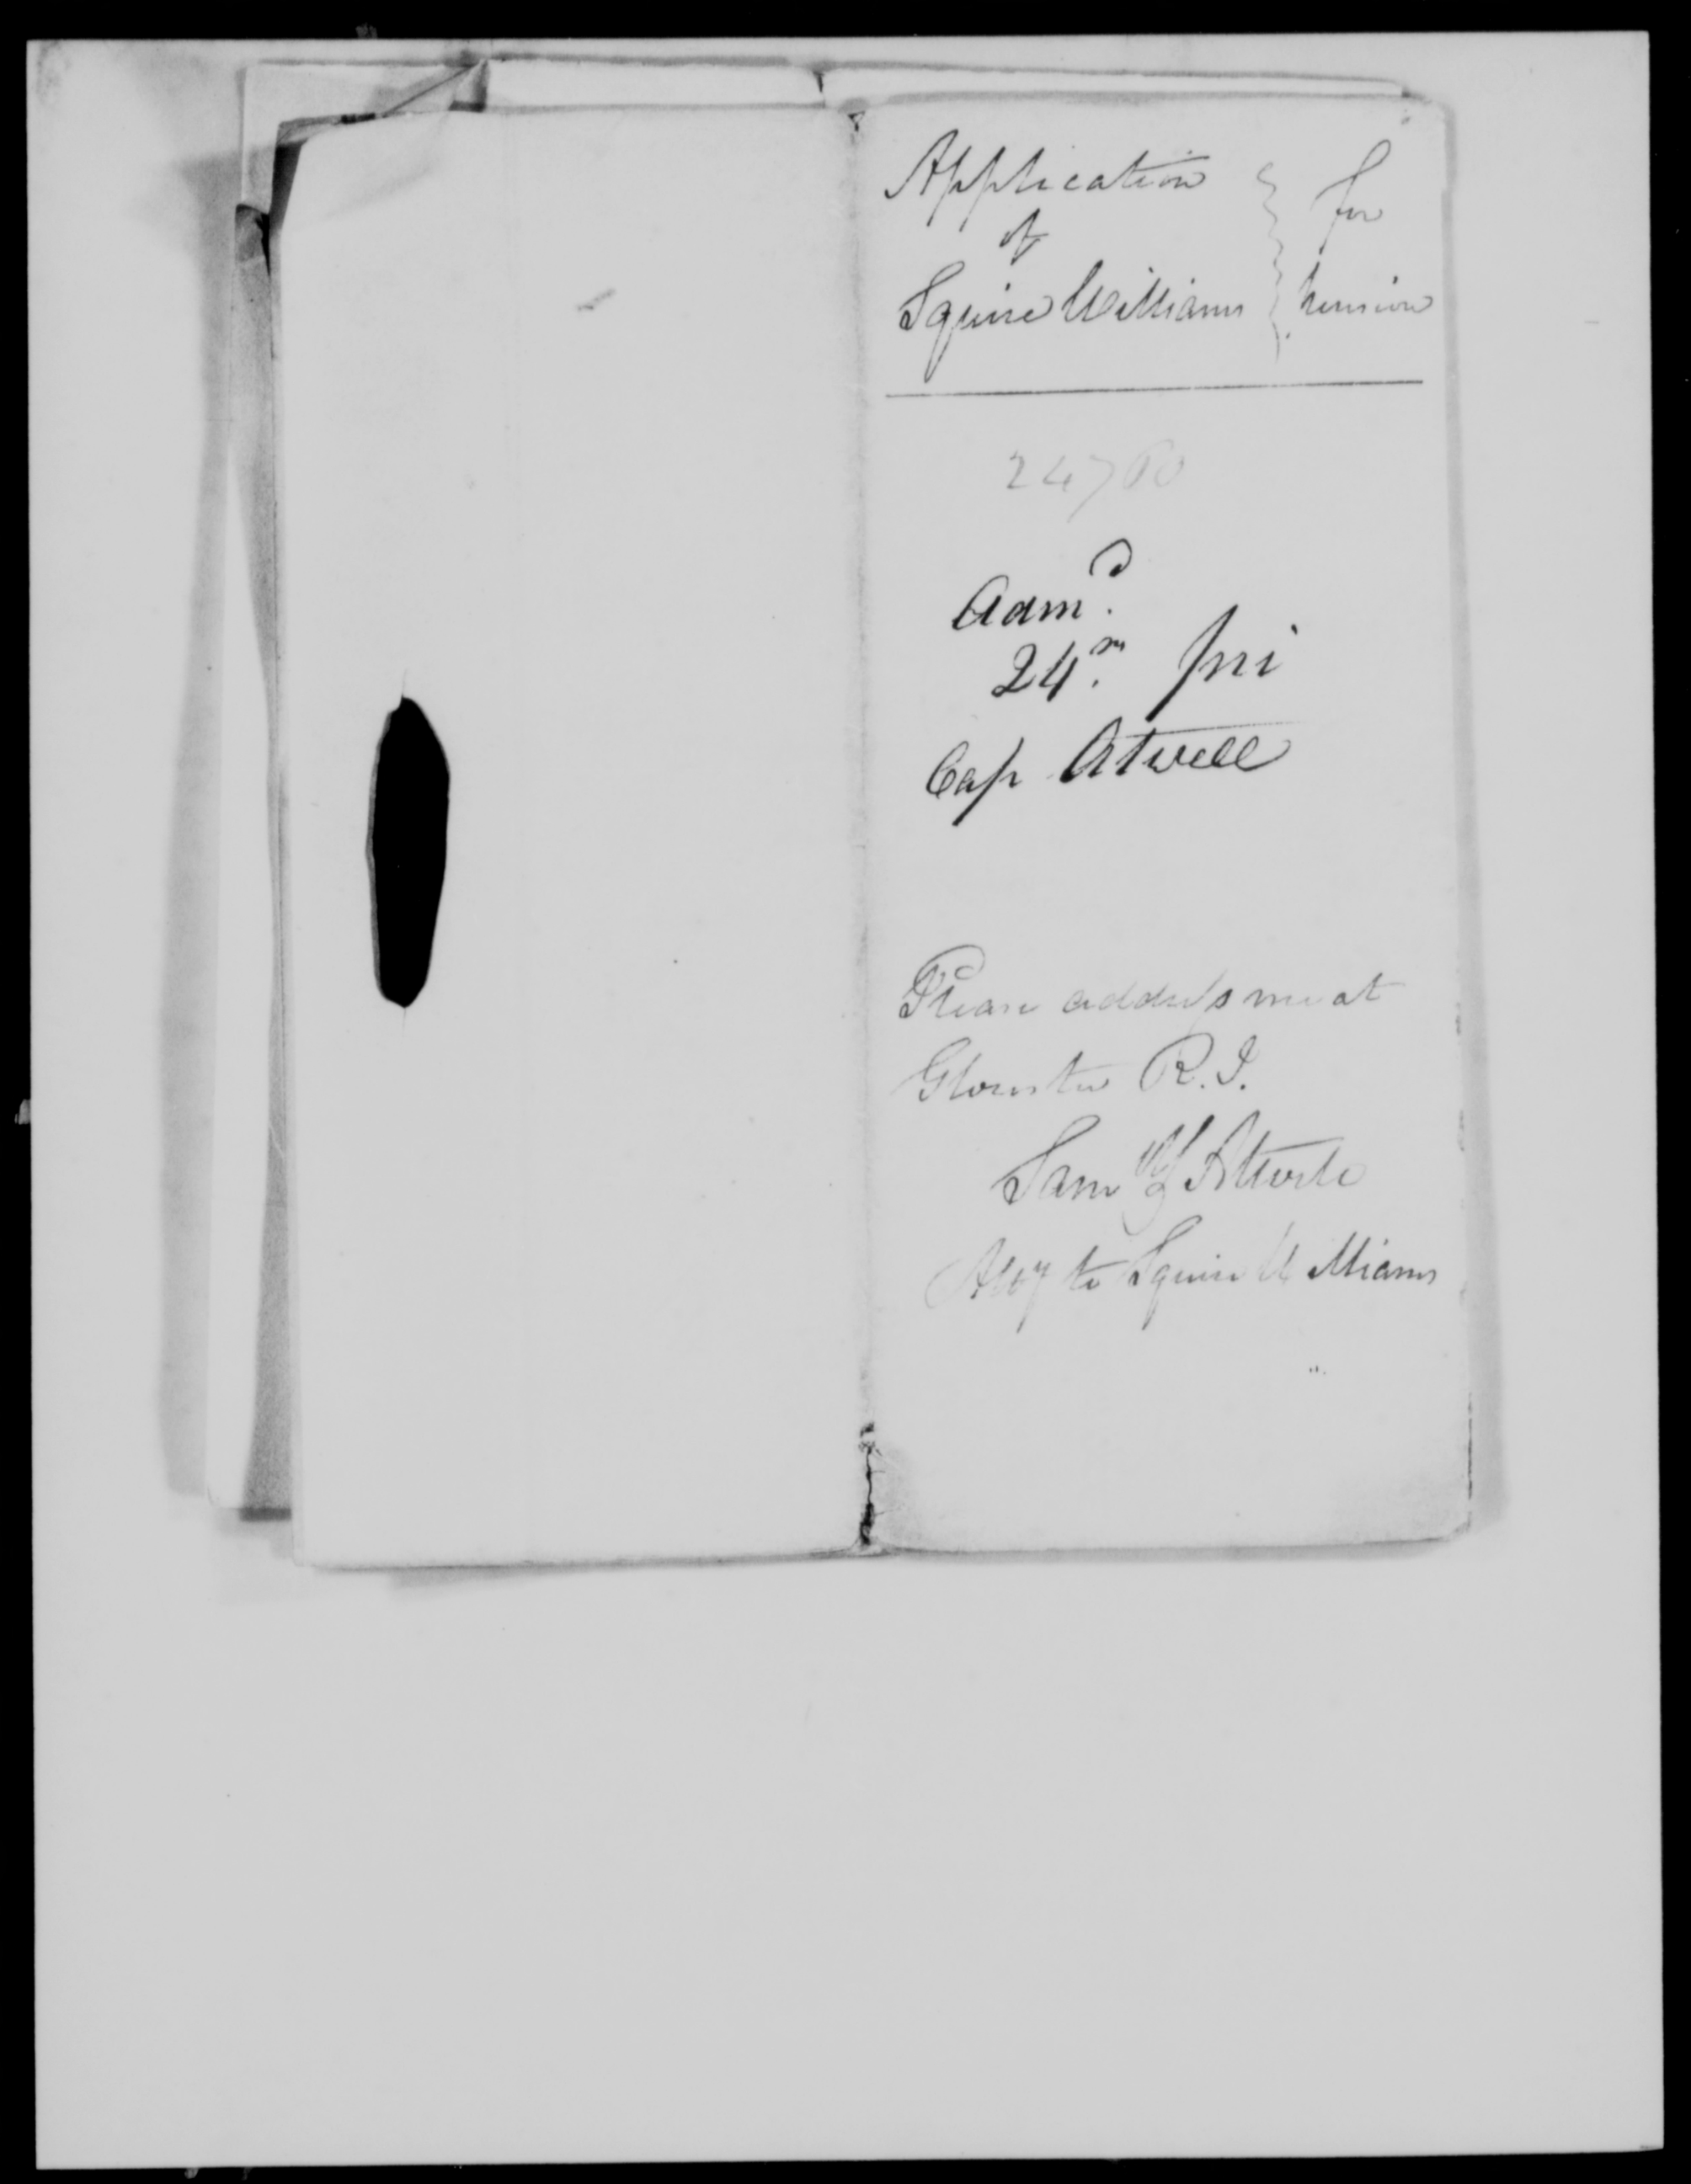Application of Squire Williams

For Pension 


24700

Adm.
24th Ini
Capt. Atwell

Private additament at
Glocester, R. I. 

Sam Y. Atwell

(Atty to Squire Y. Williams)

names: Atwell, Squire Williams, Saml Y Atwell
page: 3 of 23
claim: survivor's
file: S. 21576, Squire Williams, R. I.